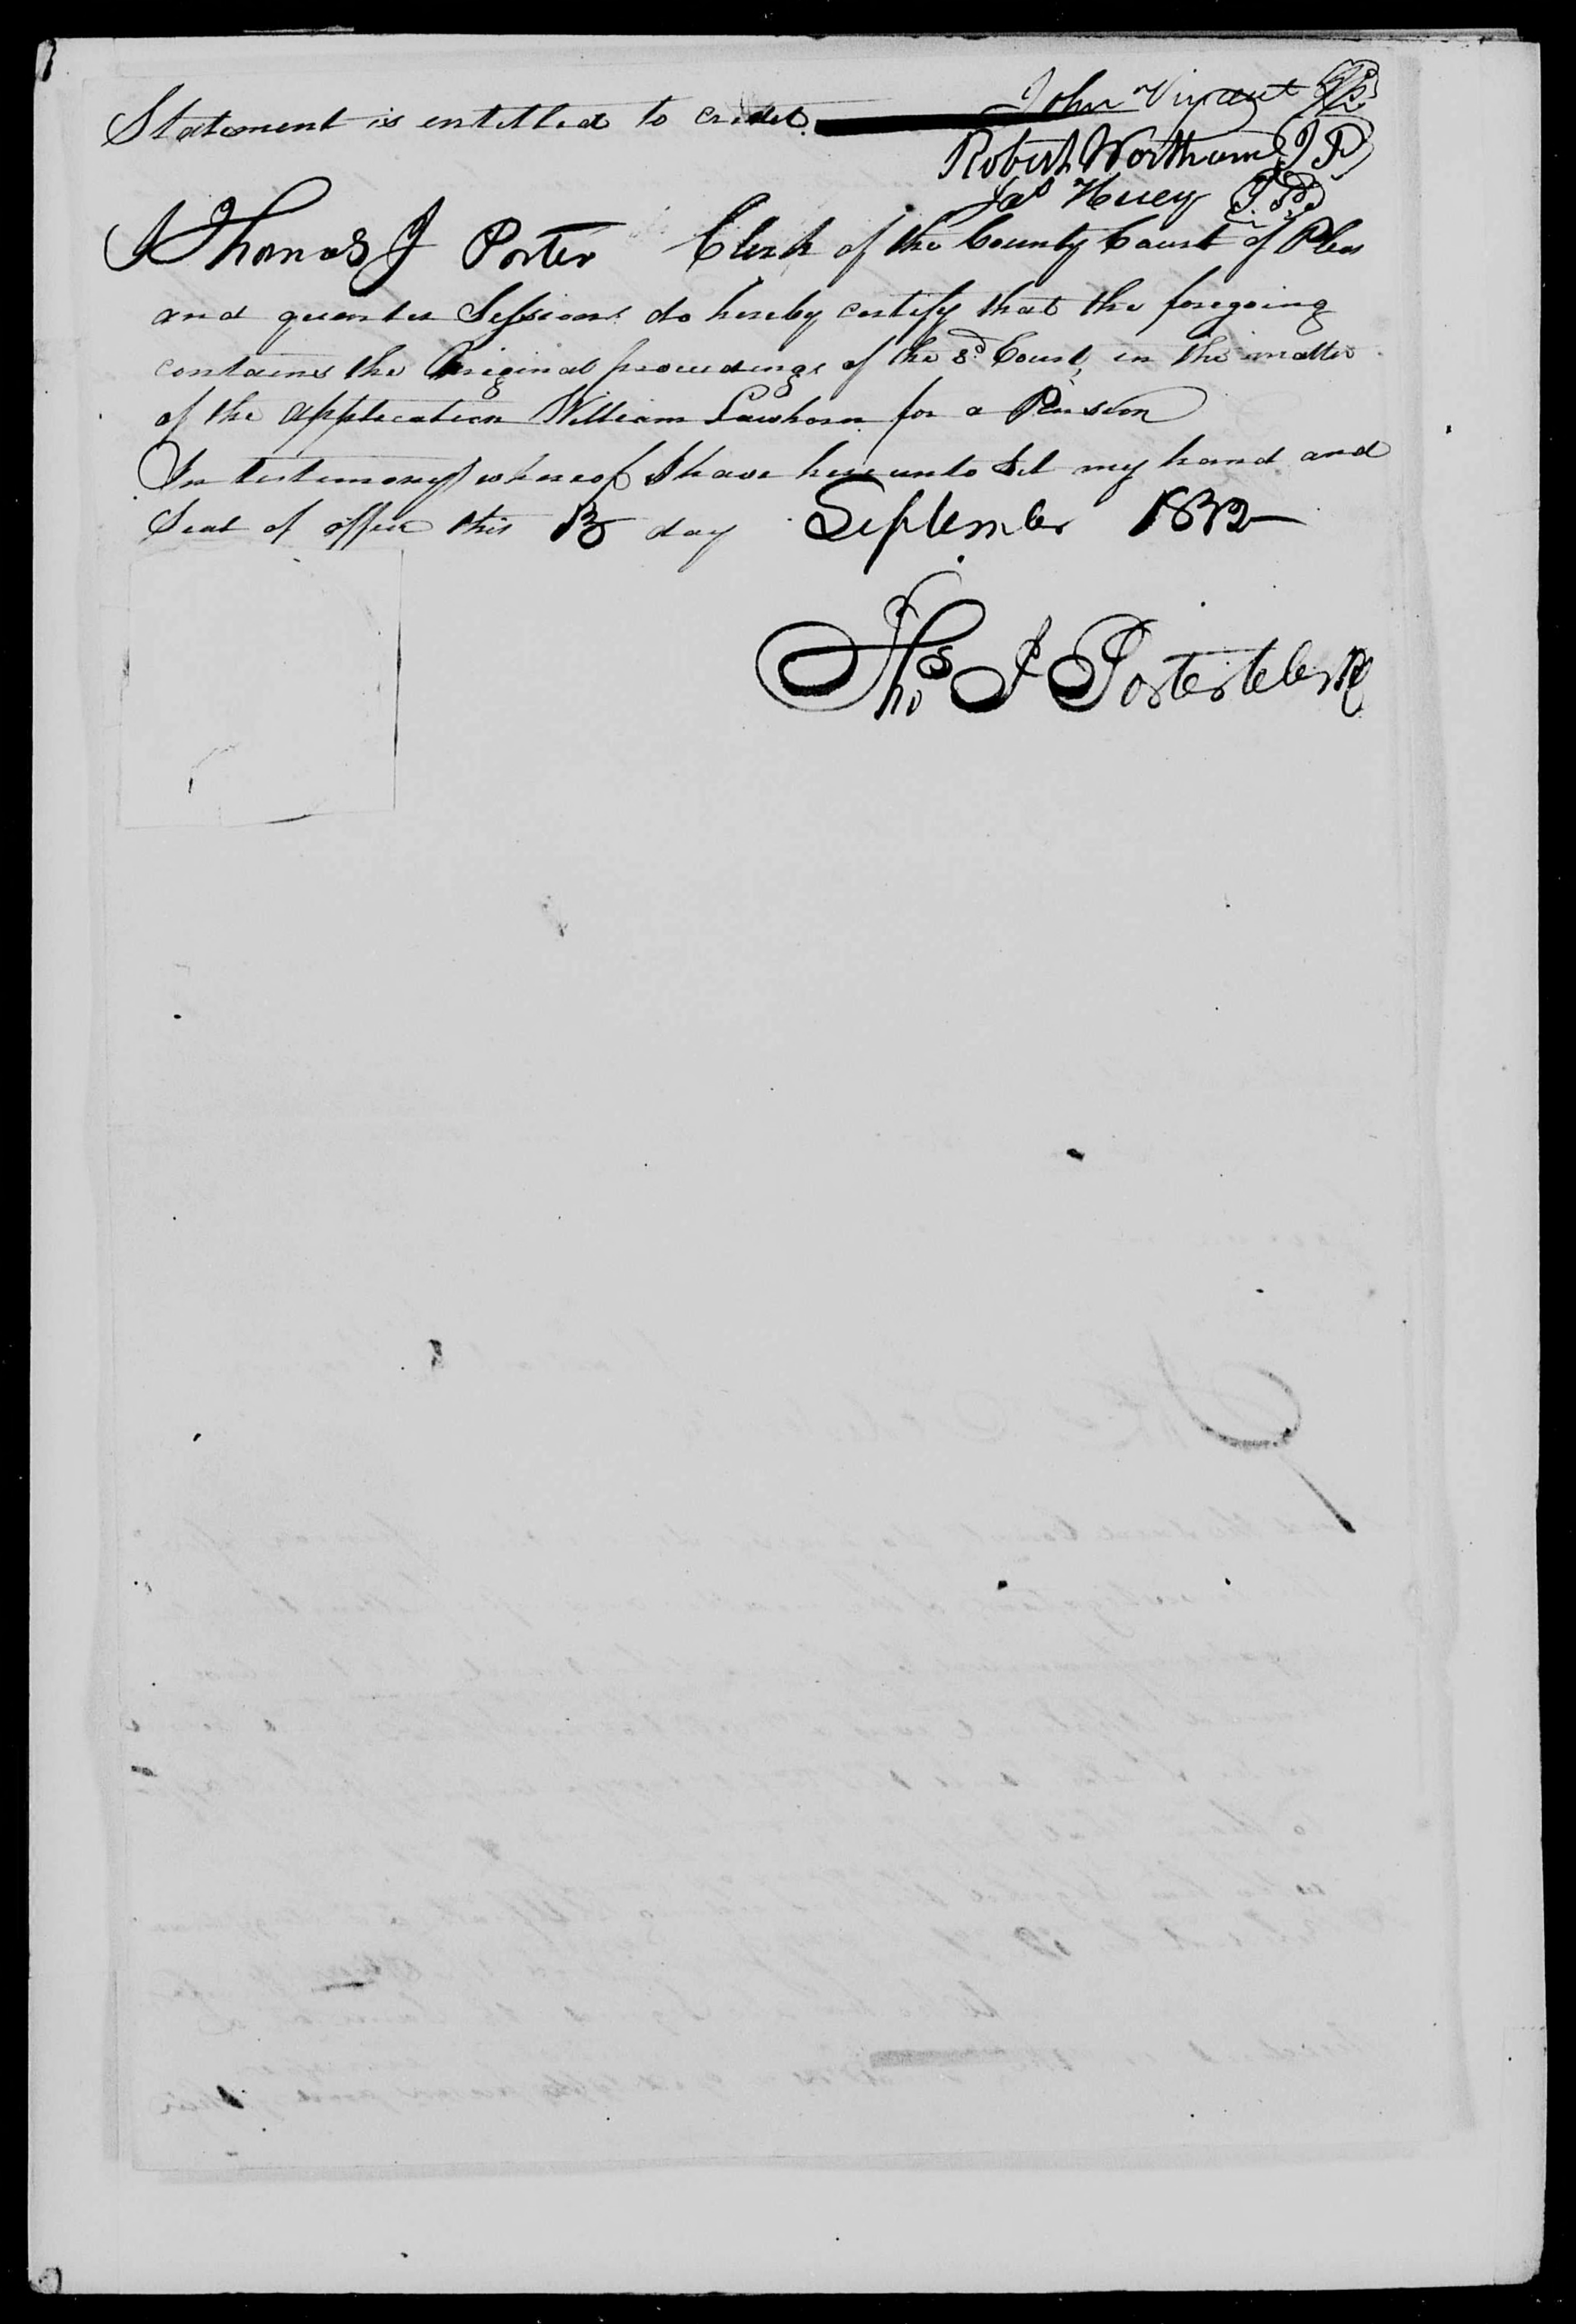Statement is entitled to credit.
 John Vincent JP
 Robert Wortham JP
 Jas Huey JP

I Thomas J. Porter Clerk of the County Court of Pleas and quarter Sessions do hereby certify that the foregoing contains the original proceedings of the said Court in the matter of the application William Lawhorn for a Pension.
     In Testimony whereof I have hereunto set my hand and Seal of office this 13th day September 1832.
(seal)     Thos. J. Porter Clerk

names: Thos J Porter; John Vincent; Robert Wortham; William Lawhorn; Jas Huey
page: 11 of 16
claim: survivor's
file: S 4506, for William Lawhorn, North Carolina